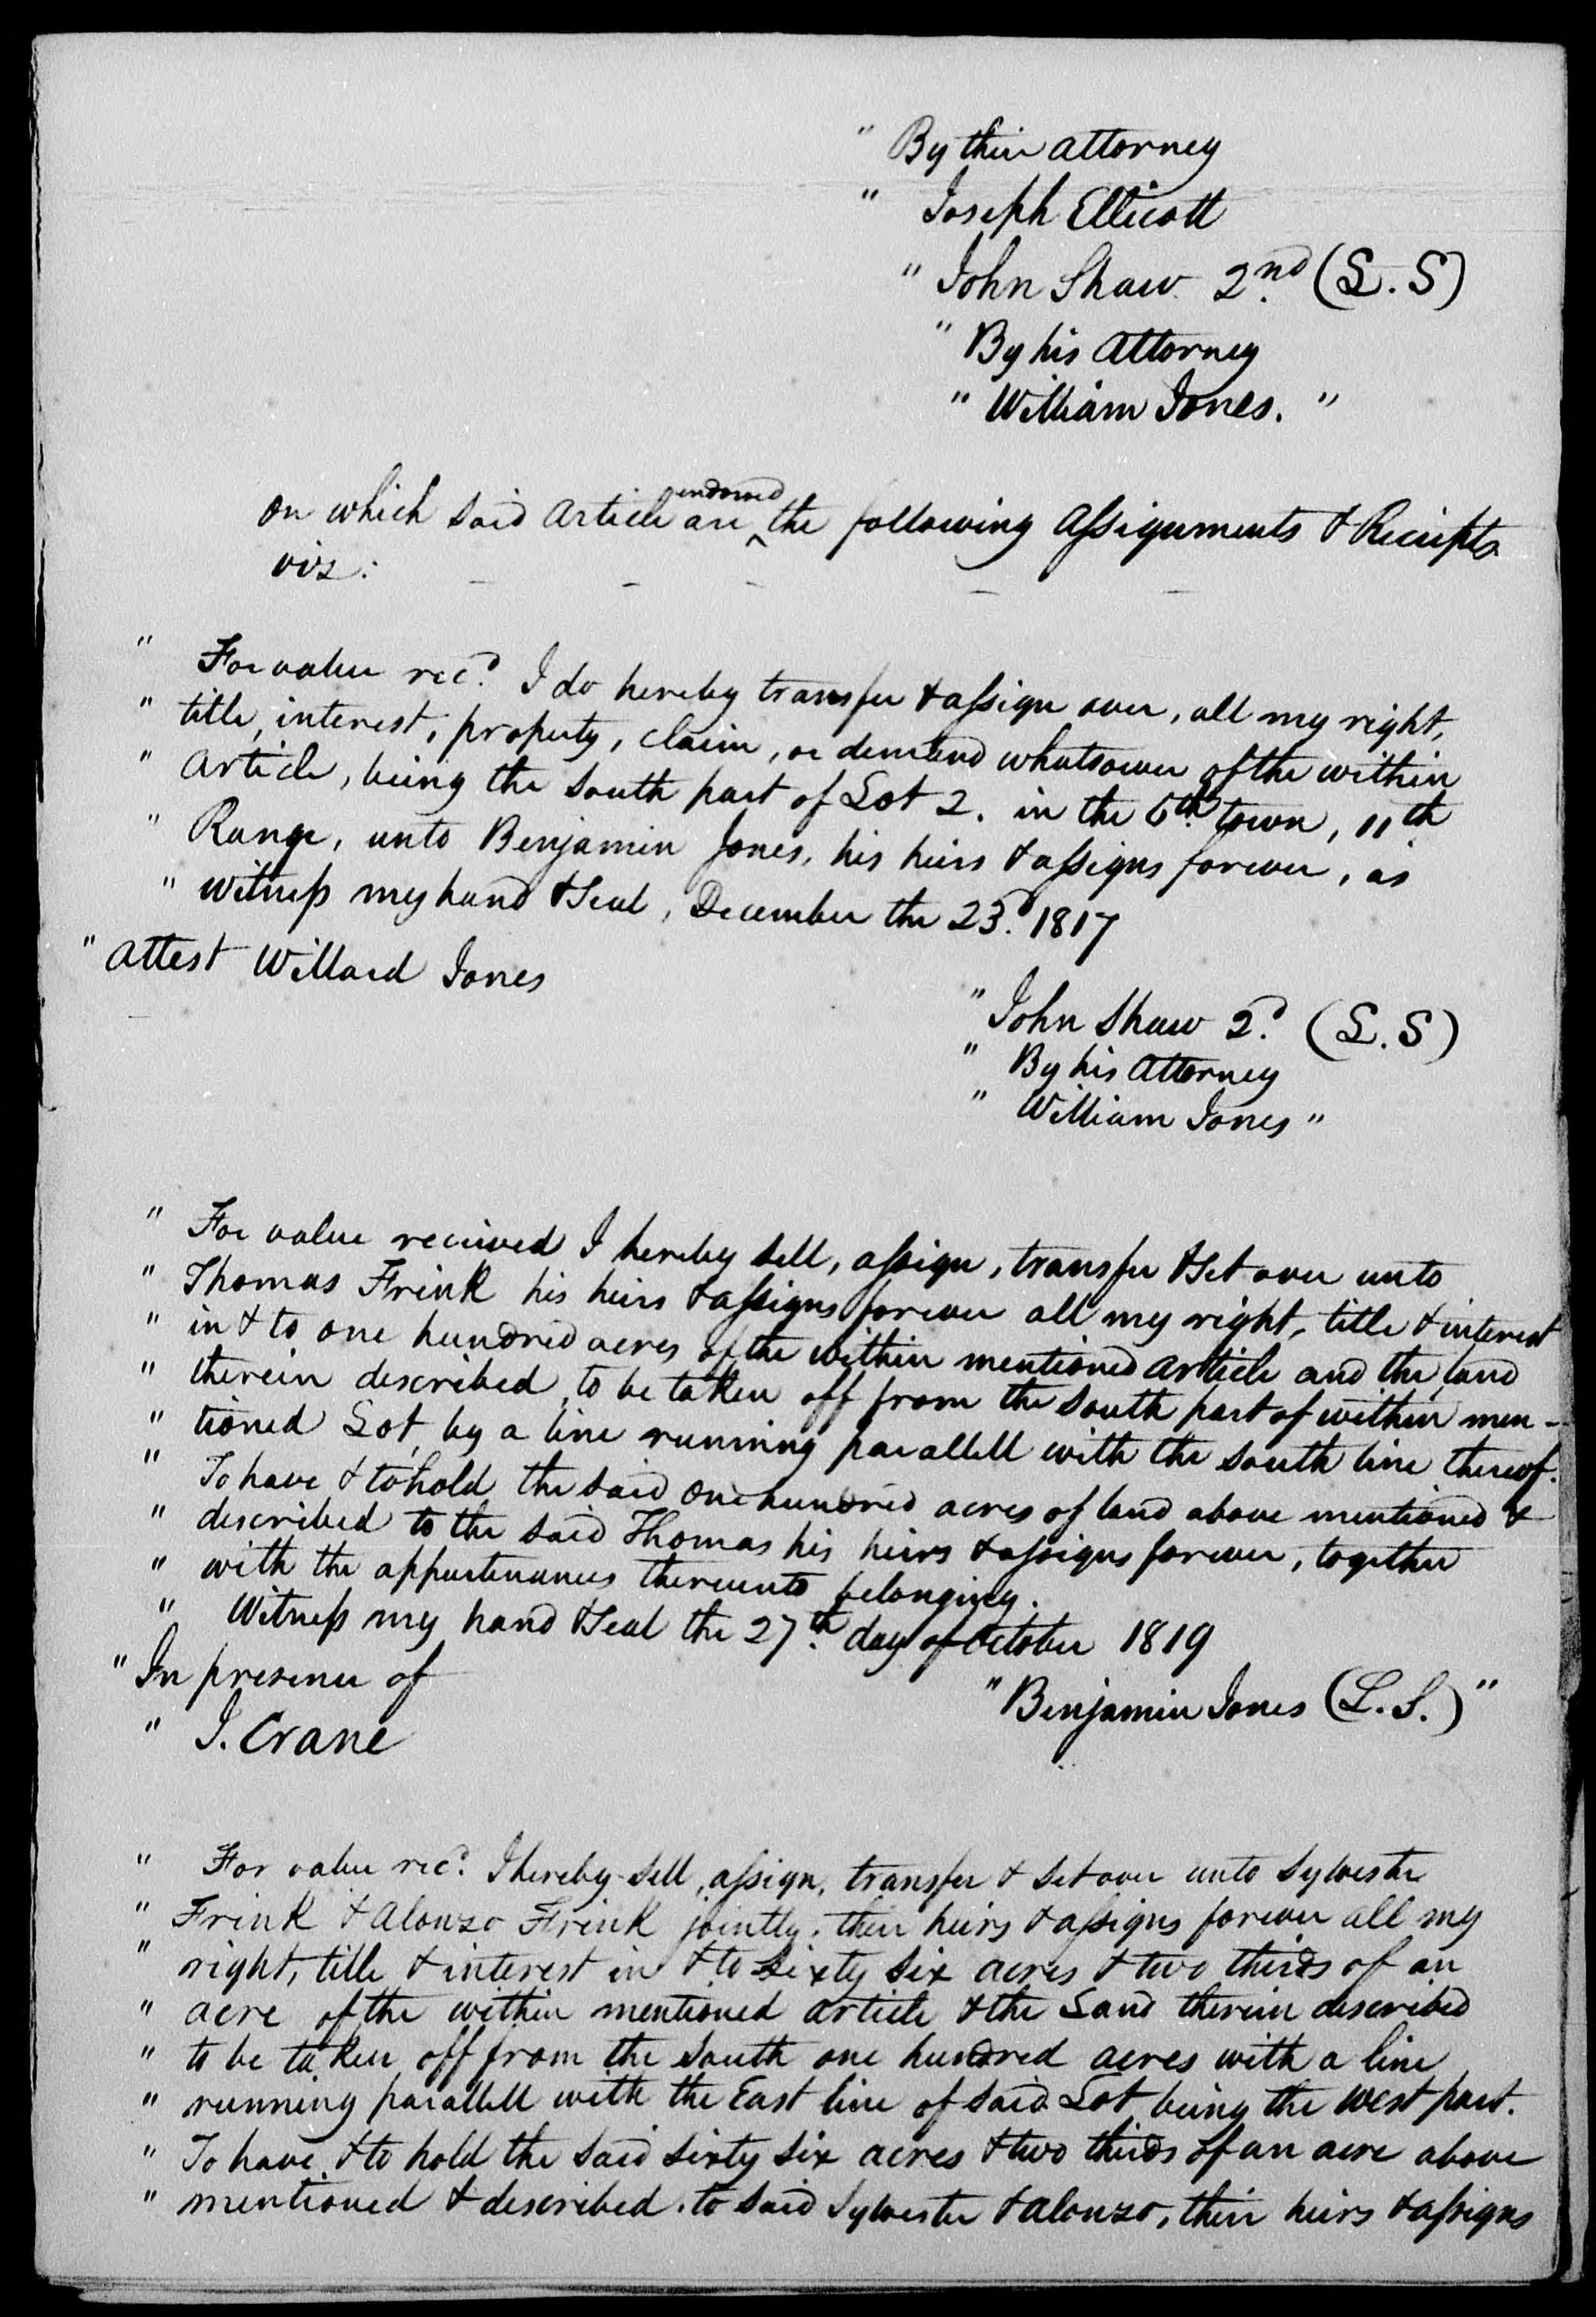"By their attorney
                                              "Joseph Ellicott
                                               "John Shaw 2nd (S.S.)
                                                "By his attorney
                                                "William Jones."

on which Said Article are entered the following assignment & receipts vz:.....

"For value rec'd I do hereby transfer & assign over, all "my right, title, interest, property, claim, or demand "whatsoever of the within article, being the south 
"part of Lot 2, in the 6th town, 11th Range, unto 
"Benjamin Jones, his heirs & assigns forever, as witness
"my hand & Seal, December the 23'd. 1817
"Attest Willard Jones          "John Shaw 2d (S.S.)
                                            "By his Attorney
                                            "William Jones"

"For value received I hereby Sell, assign, transfer, 
"set over unto Thomas Frink his heirs & assigns "forever all my right, title & interest in & to one 
"hundred acres of the within mentioned article and 
"therein described to be taken off from the South part 
"of within mentioned Lot by a line running parallell with
"the South line thereof To have & to hold the Said one 
"hundred acres of land above mentioned  & 
"described to the Said Thomas his heirs & assigns "forever, together with the appurtenances thereunto "belonging. 
"witness my hand & Seal the 27th day of October 1819.       
  "In presence of                   Benjamin Jones (L. S.)
 " J. Crane

"For value rec'd.  I hereby sell, assign, transfer & set "over unto Sylvester & Alonzo Frink jointly, their heirs "& assigns forever all my right, title & interest in & to ""sixty six acres & two thirds of an acre of the within "mentioned article & the same therein described to "be taken off from the South one hundred acres with "a line running parallell with the East line of Said Lot "being the West part .  To have & to hold the said Sixty Six "acres & two thirds of an acre above mentioned & "described, to Said Sylvester & Alonzo, their heirs & "assigns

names: Alonzo Frink, Joseph Ellicott, Alonzo, Thomas, John Shaw, Sylvester, Sylvester Frink, Benjamin Jones, William Jones, William Jones, Willard Jones, J Crane, John Shaw, Thomas Frink, Benjamin Jones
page: 18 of 33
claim: survivor's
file: S 43571, Thomas Frink, Mass.